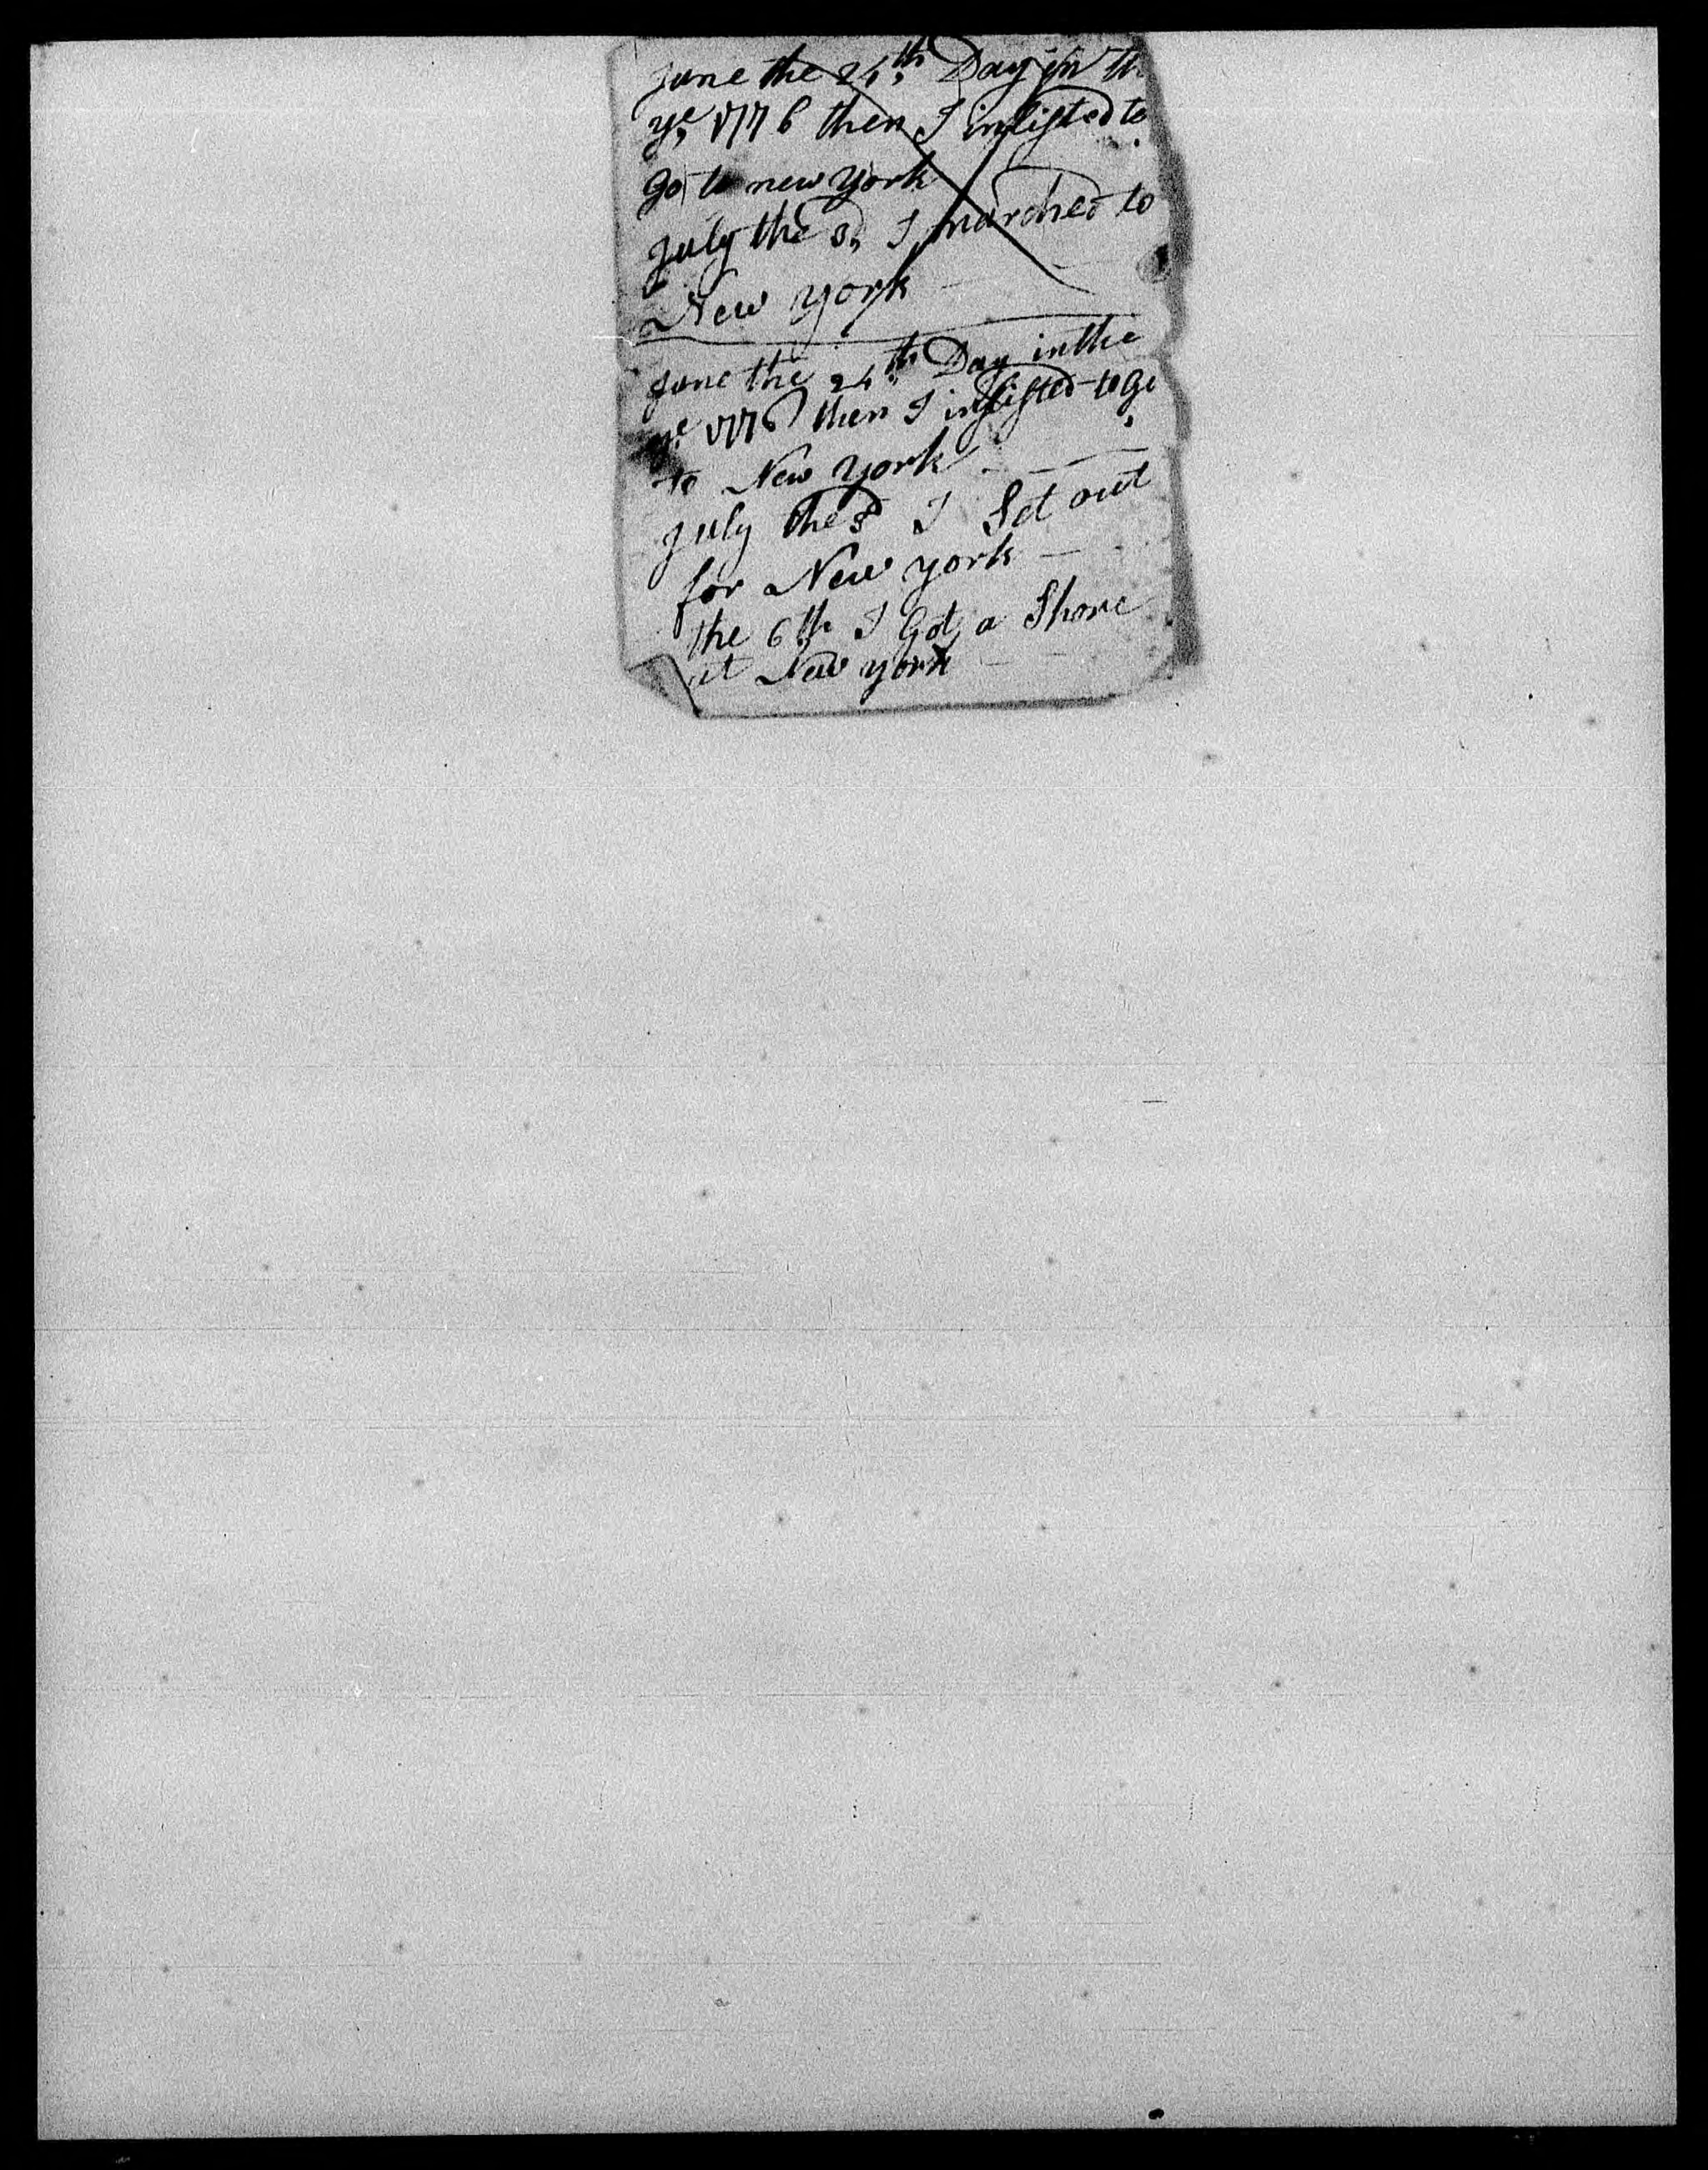June the 24th Day in the ye/ 1776 then I inlisted to go to New York 
July the 3d I marched to New York
June the 24th Day in the Ye’ 1776 then I inlisted to go to New York
July the 3d I Set out for New York
The 6th I got a Shore at New York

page: 7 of 29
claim: survivor's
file: S. 23,312, for Samuel Mallery, Connecticut